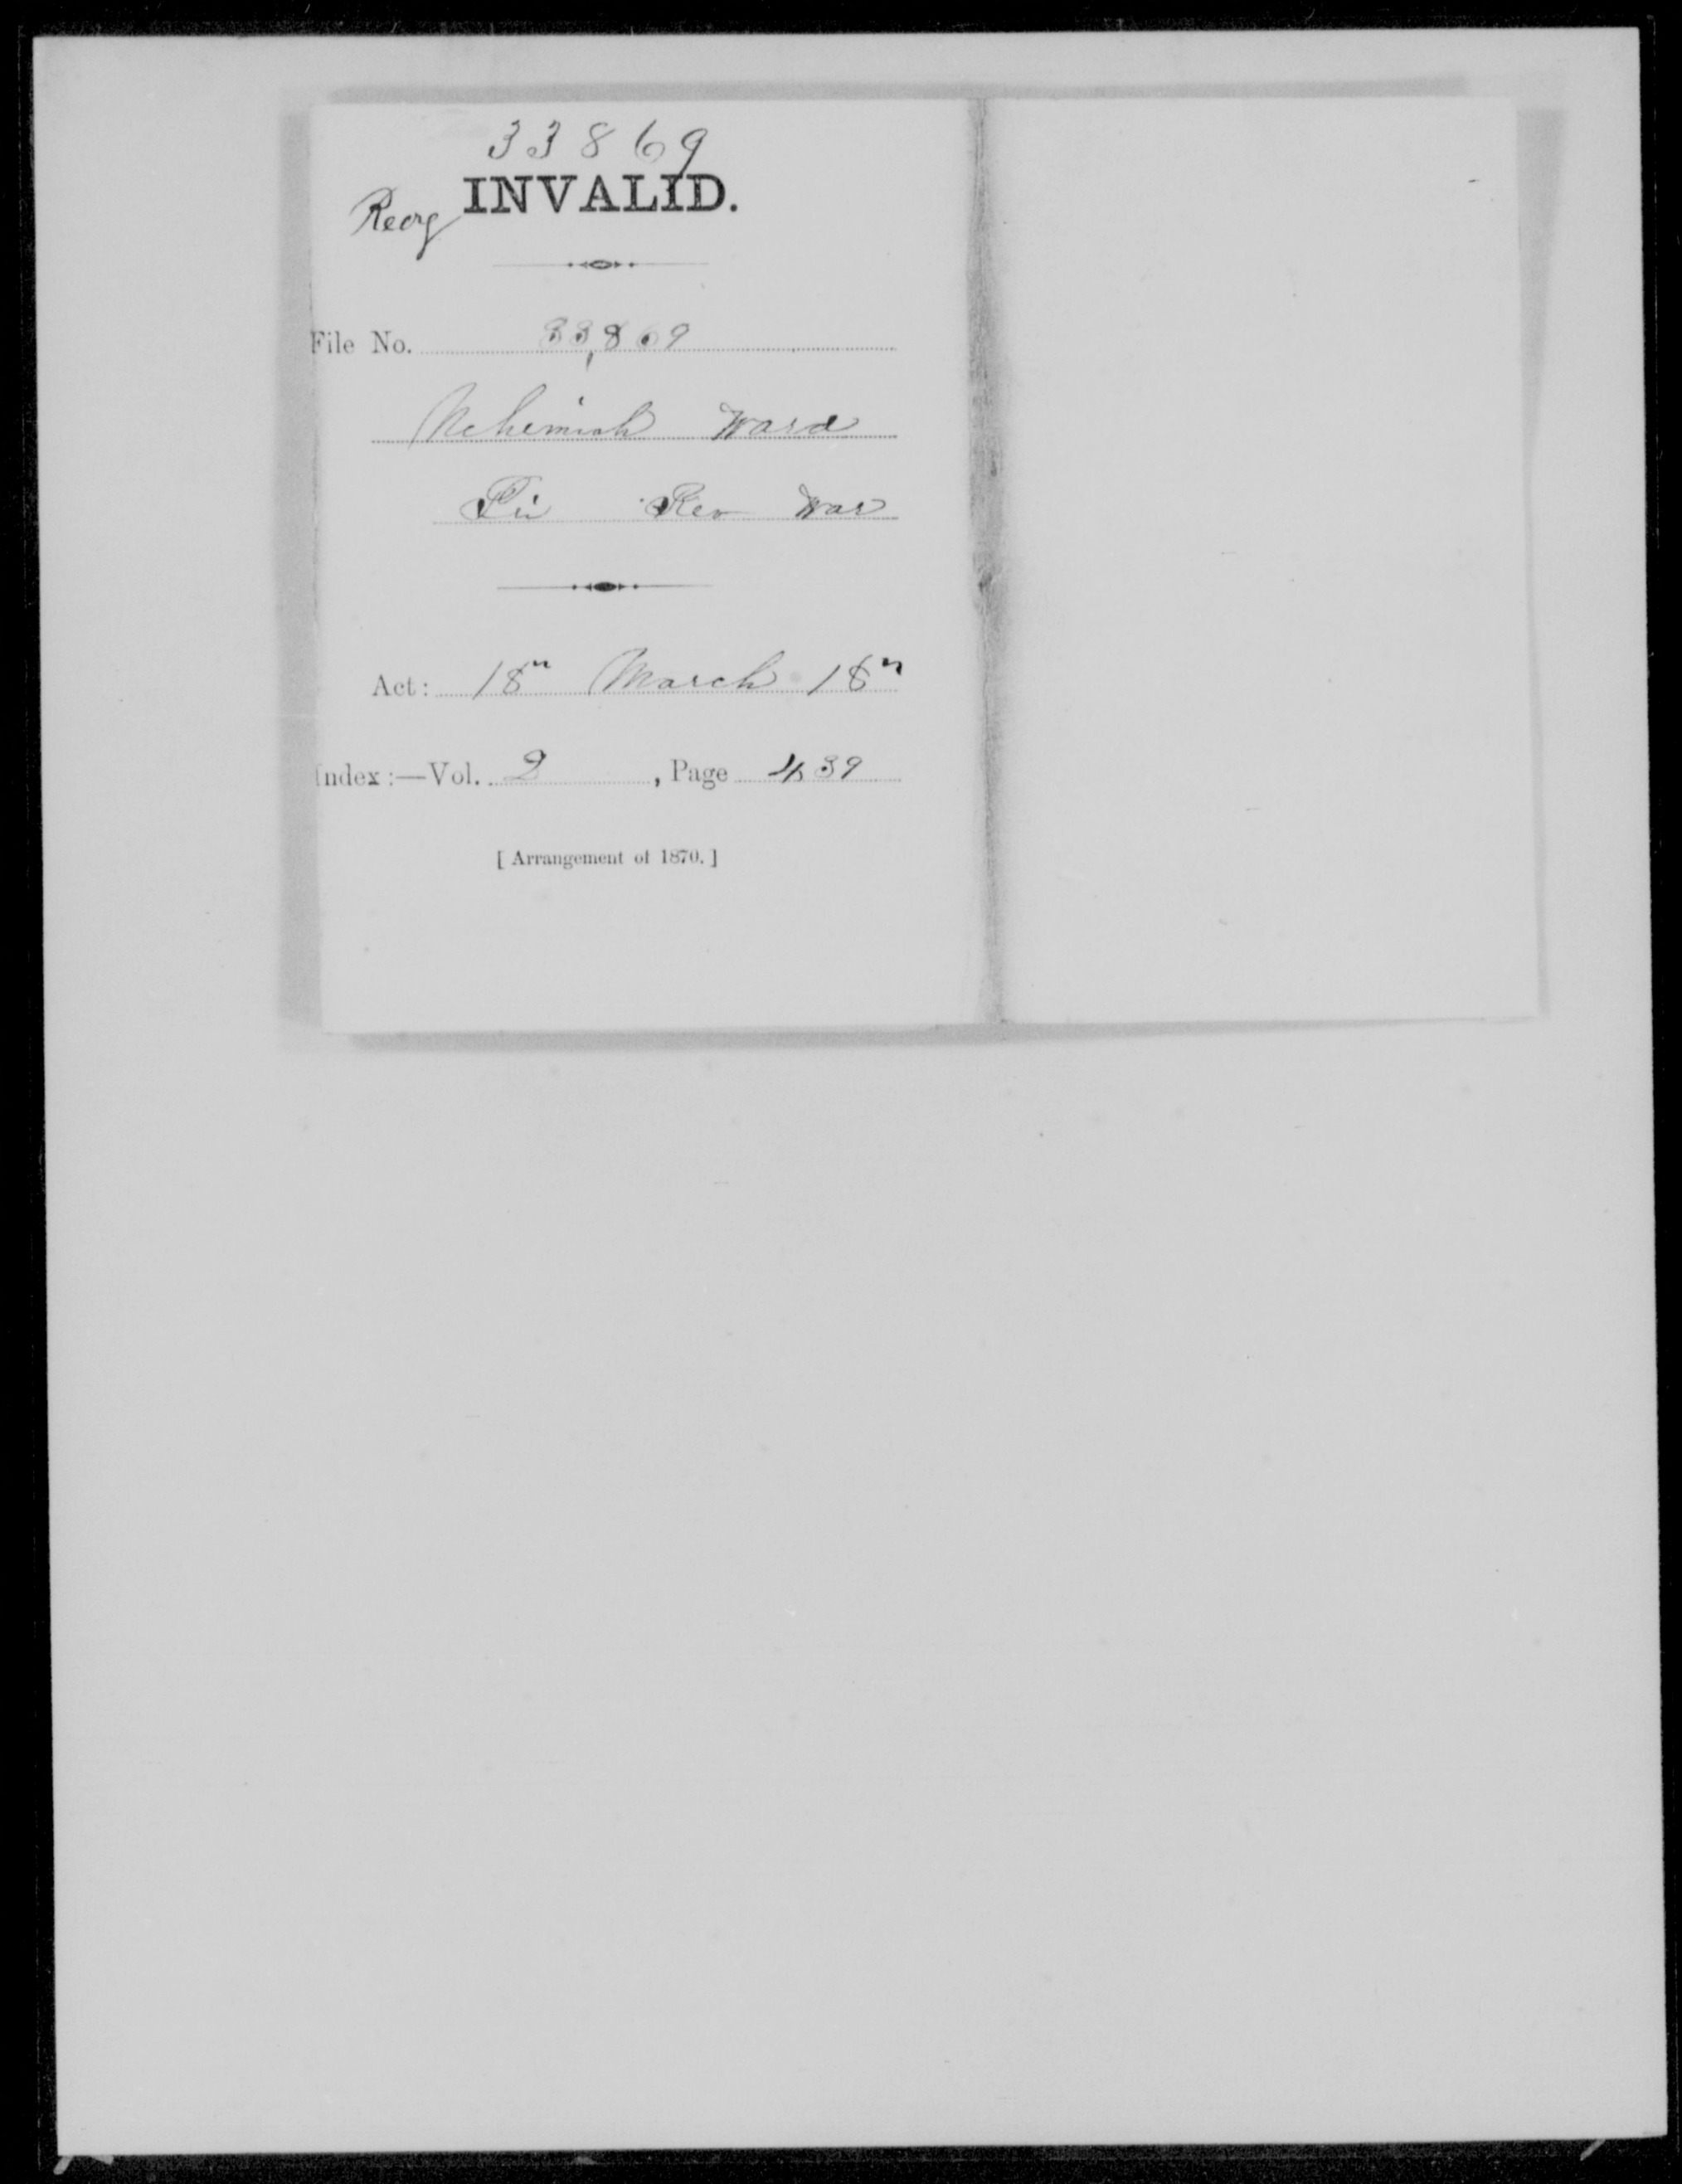33869
Revy    INVALID.

File No.  33,869
Nehemiah Ward
Pri   Rev War

Act :  18th March 18"

Index :--- Vol.  2,  Page 439

[Arrangement of 1870.]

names: Nehemiah Ward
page: 3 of 9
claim: survivor's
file: S. 33869, Nehemiah Ward, Mass.